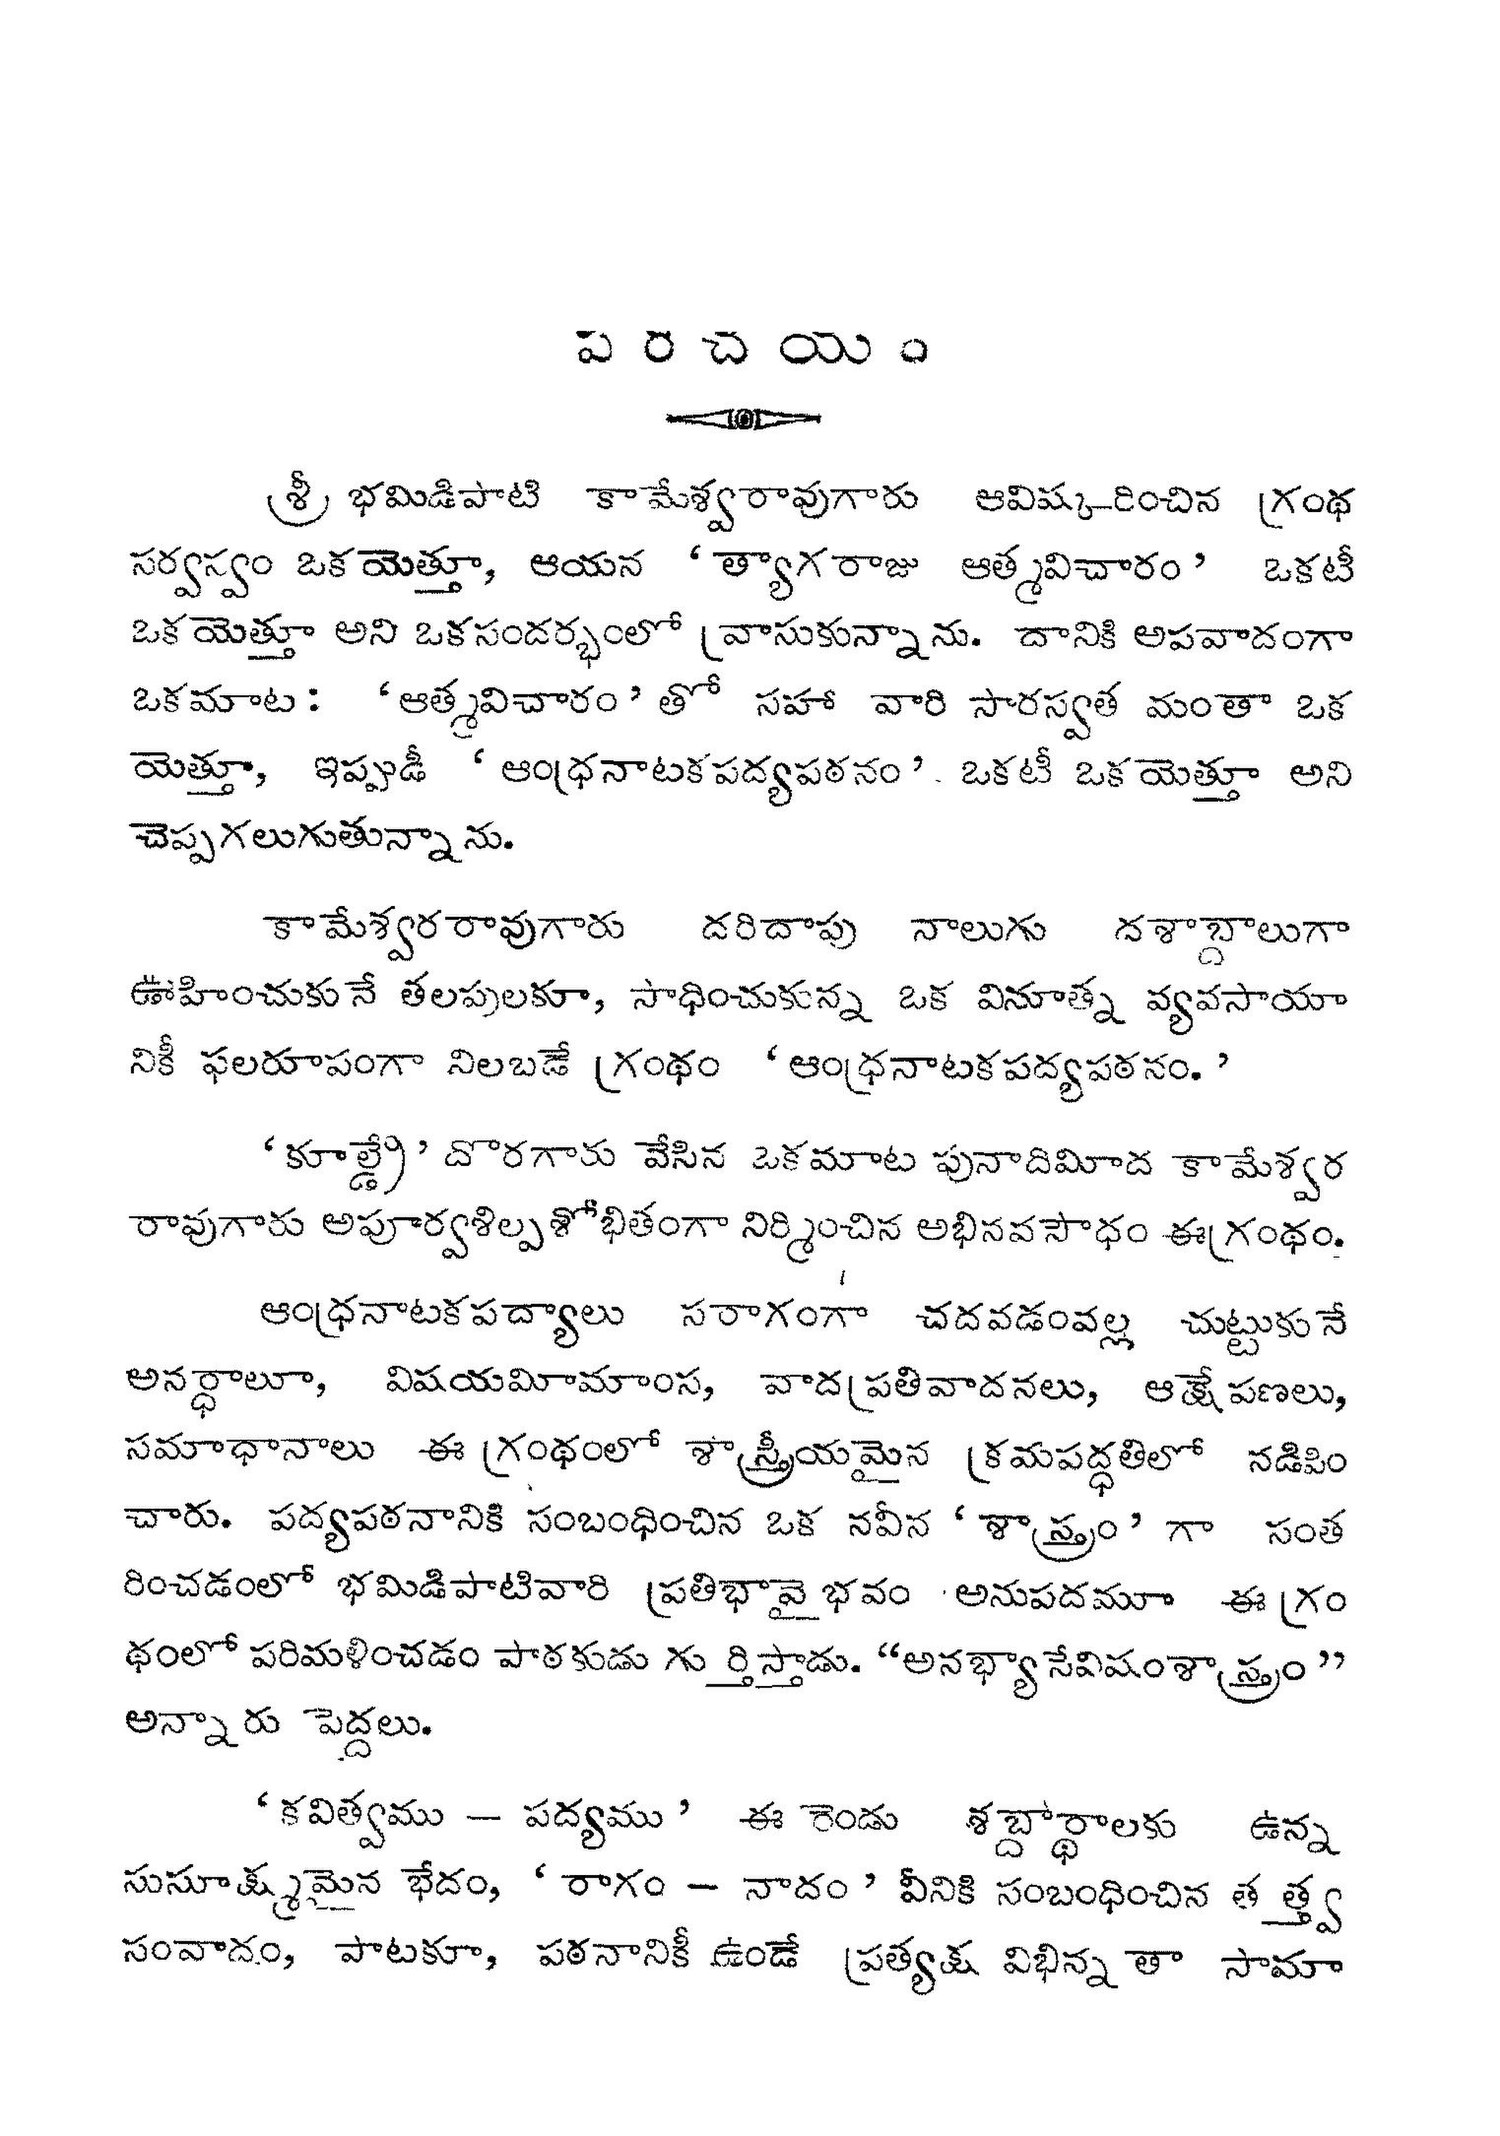పరిచయం

శ్రీ భమిడిపాటి కామేశ్వరావుగారు ఆవిష్కరించిన గ్రంథ
సర్వస్వం ఒకయెత్తూ, ఆయన 'త్యాగరాజు ఆత్మవిచారం' ఒకటీ
ఒకయెత్తూ అని ఒకసందర్భంలో వ్రాసుకున్నాను. దానికి అపవాదంగా
ఒక మాట : 'ఆత్మవిచారం' తో సహా వారి సారస్వత మంతా ఒక
యెత్తూ, ఇప్పుడీ ' ఆంధ్రనాటక పద్యపఠనం' ఒకటీ ఒకయెత్తూ అని
చెప్పగలుగుతున్నాను.

కామేశ్వరరావుగారు దరిదాపు నాలుగు దశాబ్దాలుగా
ఊహించుకునే తలపులకూ, సాధించుకున్న ఒక వినూత్న వ్యవసాయా
నికీ ఫలరూపంగా నిలబడే గ్రంథం 'ఆంధ్రనాటకపద్యపఠనం.'

‘కూల్డ్రే’ దొరగారు వేసిన ఒక మాట పునాదిమీద కామేశ్వర
రావుగారు అపూర్వశిల్పశోభితంగా నిర్మించిన అభినవసౌధం ఈగ్రంథం.

ఆంధ్రనాటకపద్యాలు సరాగంగా చదవడంవల్ల చుట్టుకునే
అనర్ధాలూ, విషయమీమాంస, వాదప్రతివాదనలు, ఆక్షేపణలు,
సమాధానాలు ఈ గ్రంథంలో శాస్త్రీయమైన క్రమపద్ధతిలో నడిపిం
చారు. పద్యపఠనానికి సంబంధించిన ఒక నవీన 'శాస్త్రం' గా సంత
రించడంలో భమిడిపాటివారి ప్రతిభావైభవం అనుపదమూ ఈగ్రం
థంలో పరిమళించడం పాఠకుడు గుర్తిస్తాడు. “అనభ్యాసేవిషంశాస్త్రం"
అన్నారు పెద్దలు.

'కవిత్వము - పద్యము ' ఈ రెండు శబ్దార్థాలకు ఉన్న
సుసూక్ష్మమైన భేదం, ' రాగం - నాదం ' వీనికి సంబంధించిన తత్త్వ
సంవాదం, పాటకూ, పఠనానికీ ఉండే ప్రత్యక్ష విభిన్న తా సామా